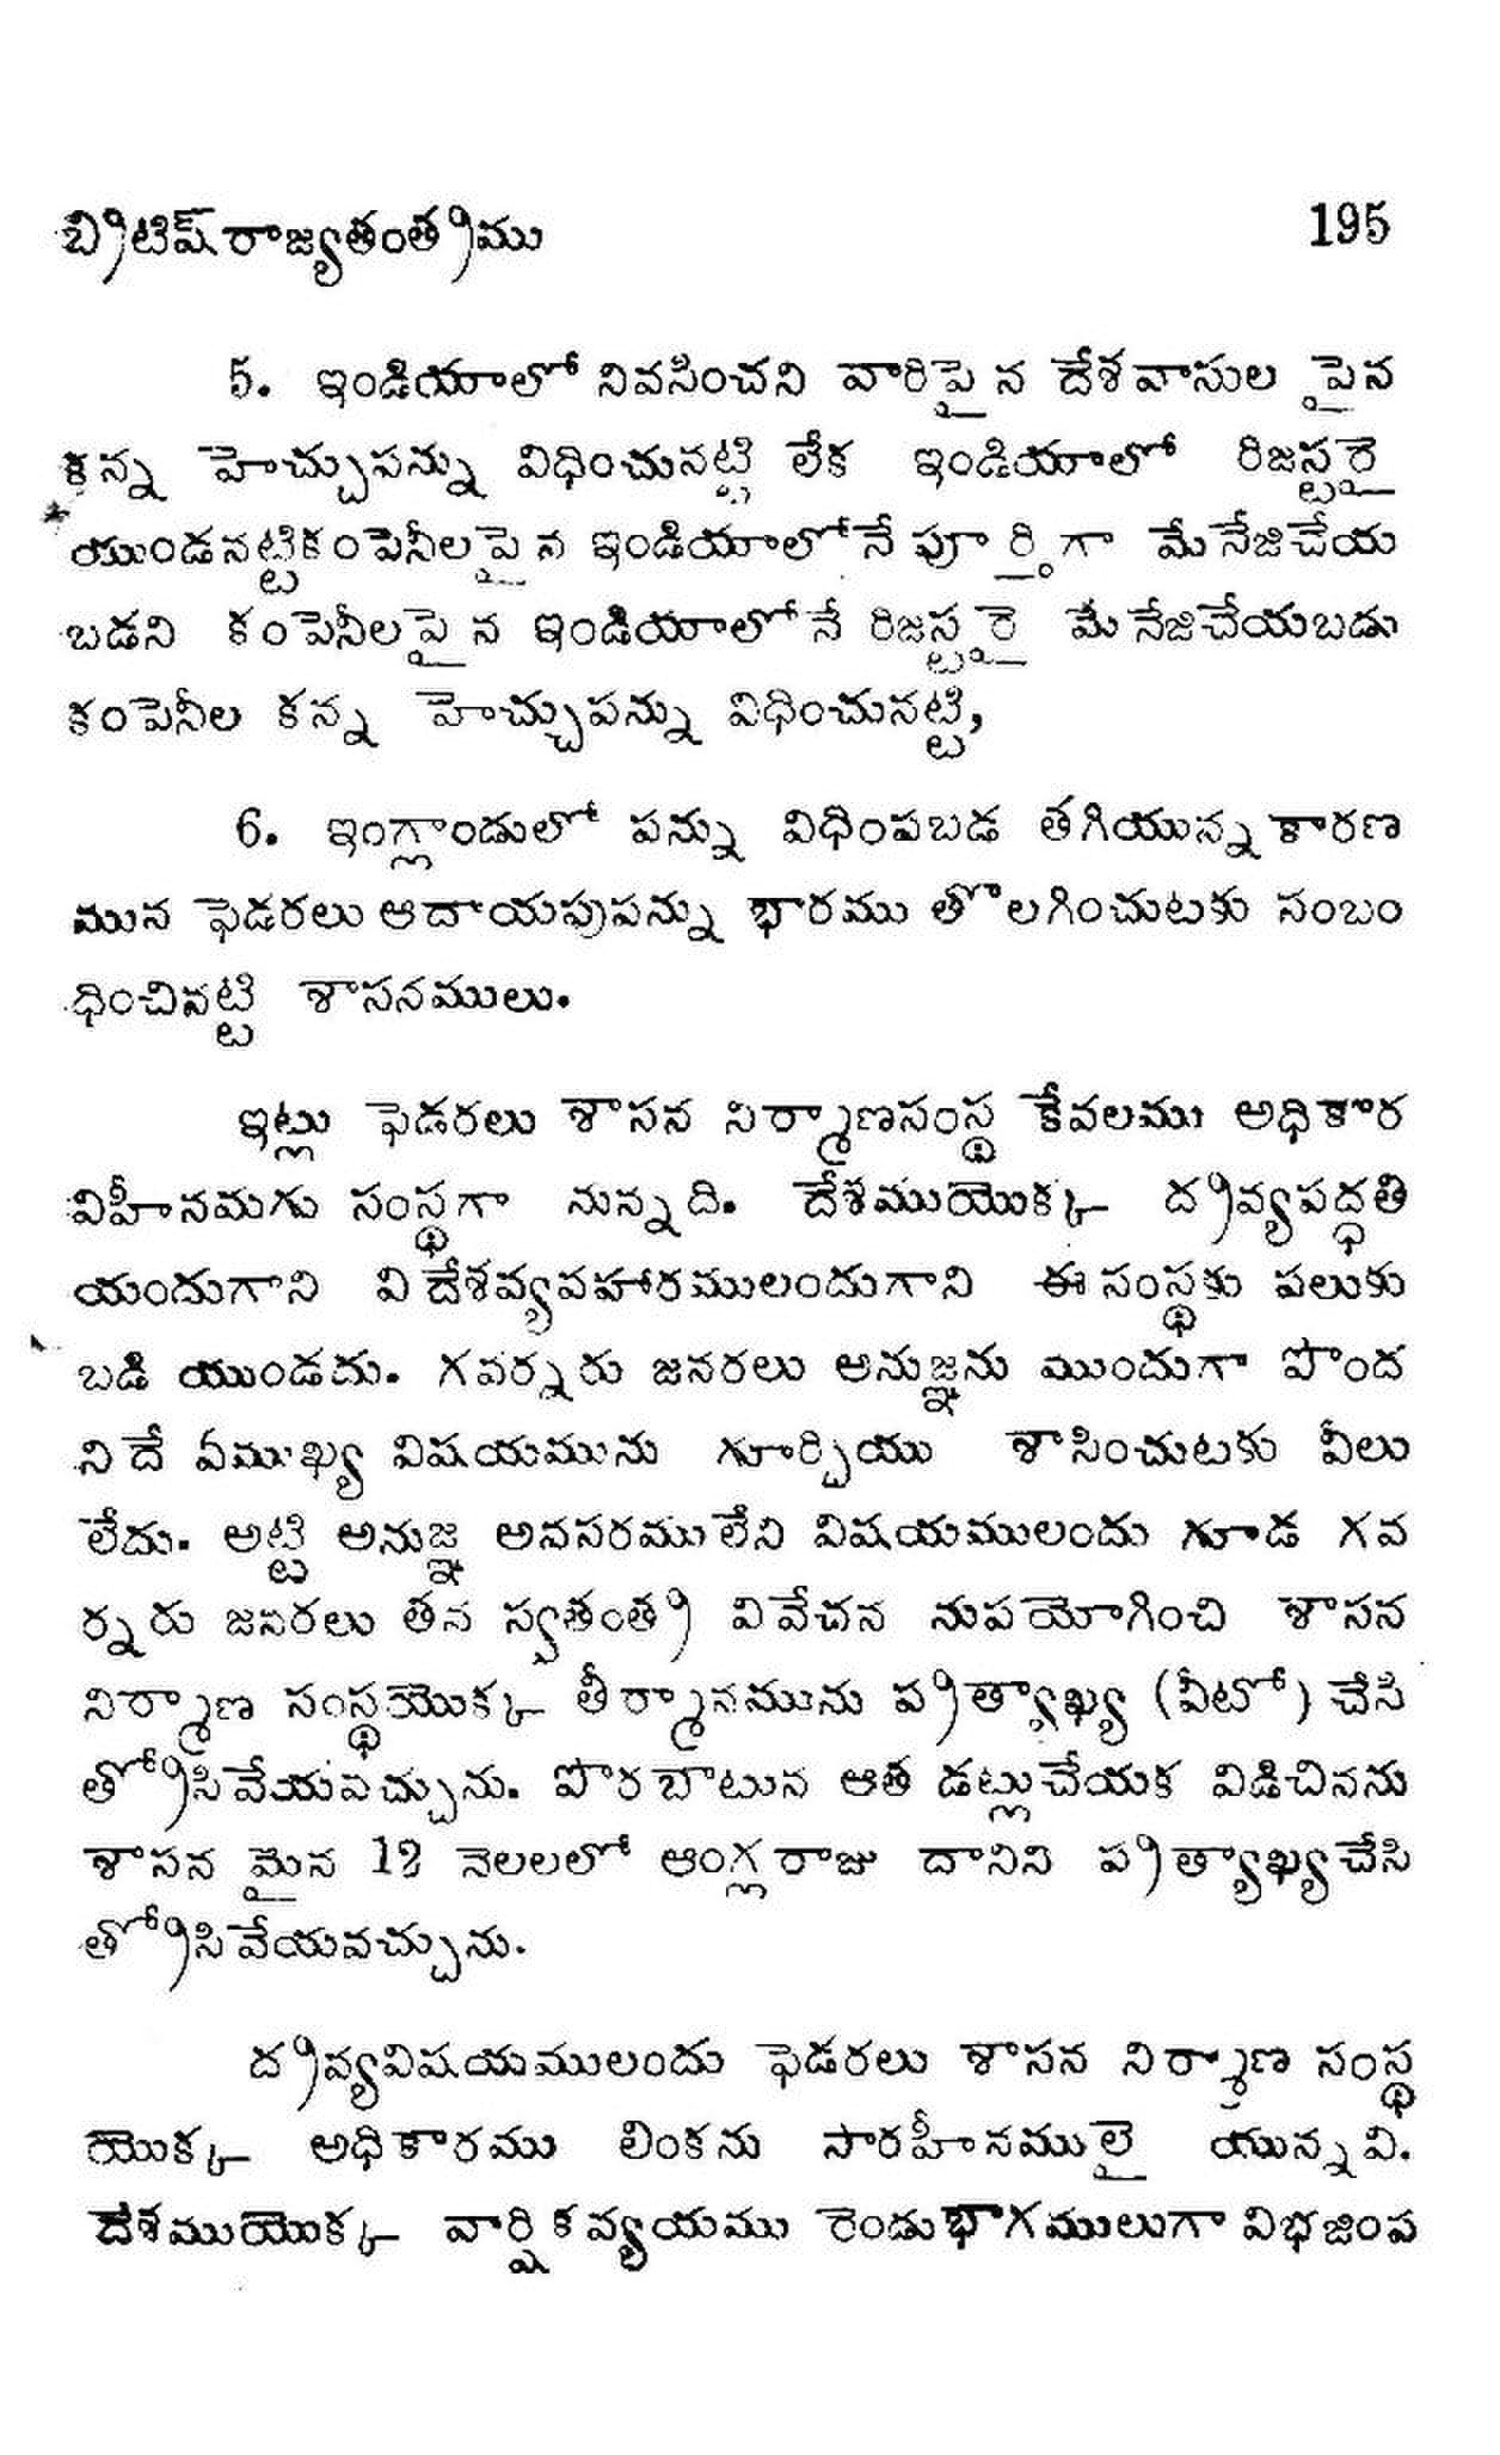5. ఇండియాలో నివసించని వారిపైన దేశవాసుల పైనకన్న హెచ్చుపన్ను విధించునట్టి లేక ఇండియాలో రిజస్టరై యుండనట్టికంపెనీలపైన ఇండియాలోనేపూర్తిగా మేనేజిచేయబడని కంపెనీలపైన ఇండియాలోనే రిజస్టరై మేనేజిచేయబడు కంపెనీల కన్న హెచ్చుపన్ను విధించునట్టి,

6. ఇంగ్లాండులో పన్ను విధింపబడ తగియున్న కారణమున ఫెడరలు ఆదాయపుపన్ను భారము తొలగించుటకు సంబంధించినట్టి శాసనములు.

ఇట్లు ఫెడరలు శాసన నిర్మాణసంస్థ కేవలము, అధికార విహీనమగు సంస్థగా నున్నది. దేశముయొక్క ద్రవ్యపద్ధతి యందుగాని విదేశవ్యవహారములందుగాని ఈసంస్థకు పలుకుబడి యుండదు. గవర్నరు జనరలు అనుజ్ఞను ముందుగా పొందనిదే ఏముఖ్య విషయమును గూర్చియు శాసించుటకు వీలులేదు. అట్టి అనుజ్ఞ అవసరములేని విషయములందు గూడ గవర్నరు జనరలు తన స్వతంత్ర వివేచన నుపయోగించి శాసననిర్మాణ సంస్థయొక్క తీర్మానమును ప్రత్యాఖ్య (వీటో) చేసి త్రోసివేయవచ్చును. పొరబాటున ఆత డట్లుచేయక విడిచినను శాసన మైన 12 నెలలలో ఆంగ్లరాజు దానిని ప్రత్యాఖ్యచేసి త్రోసివేయవచ్చును.

ద్రవ్యవిషయములందు ఫెడరలు శాసన నిర్మాణ సంస్థయొక్క అధికారము లింకను సారహీనములై యున్నవి. దేశముయొక్క వార్షికవ్యయము రెండుభాగములుగా విభజింప